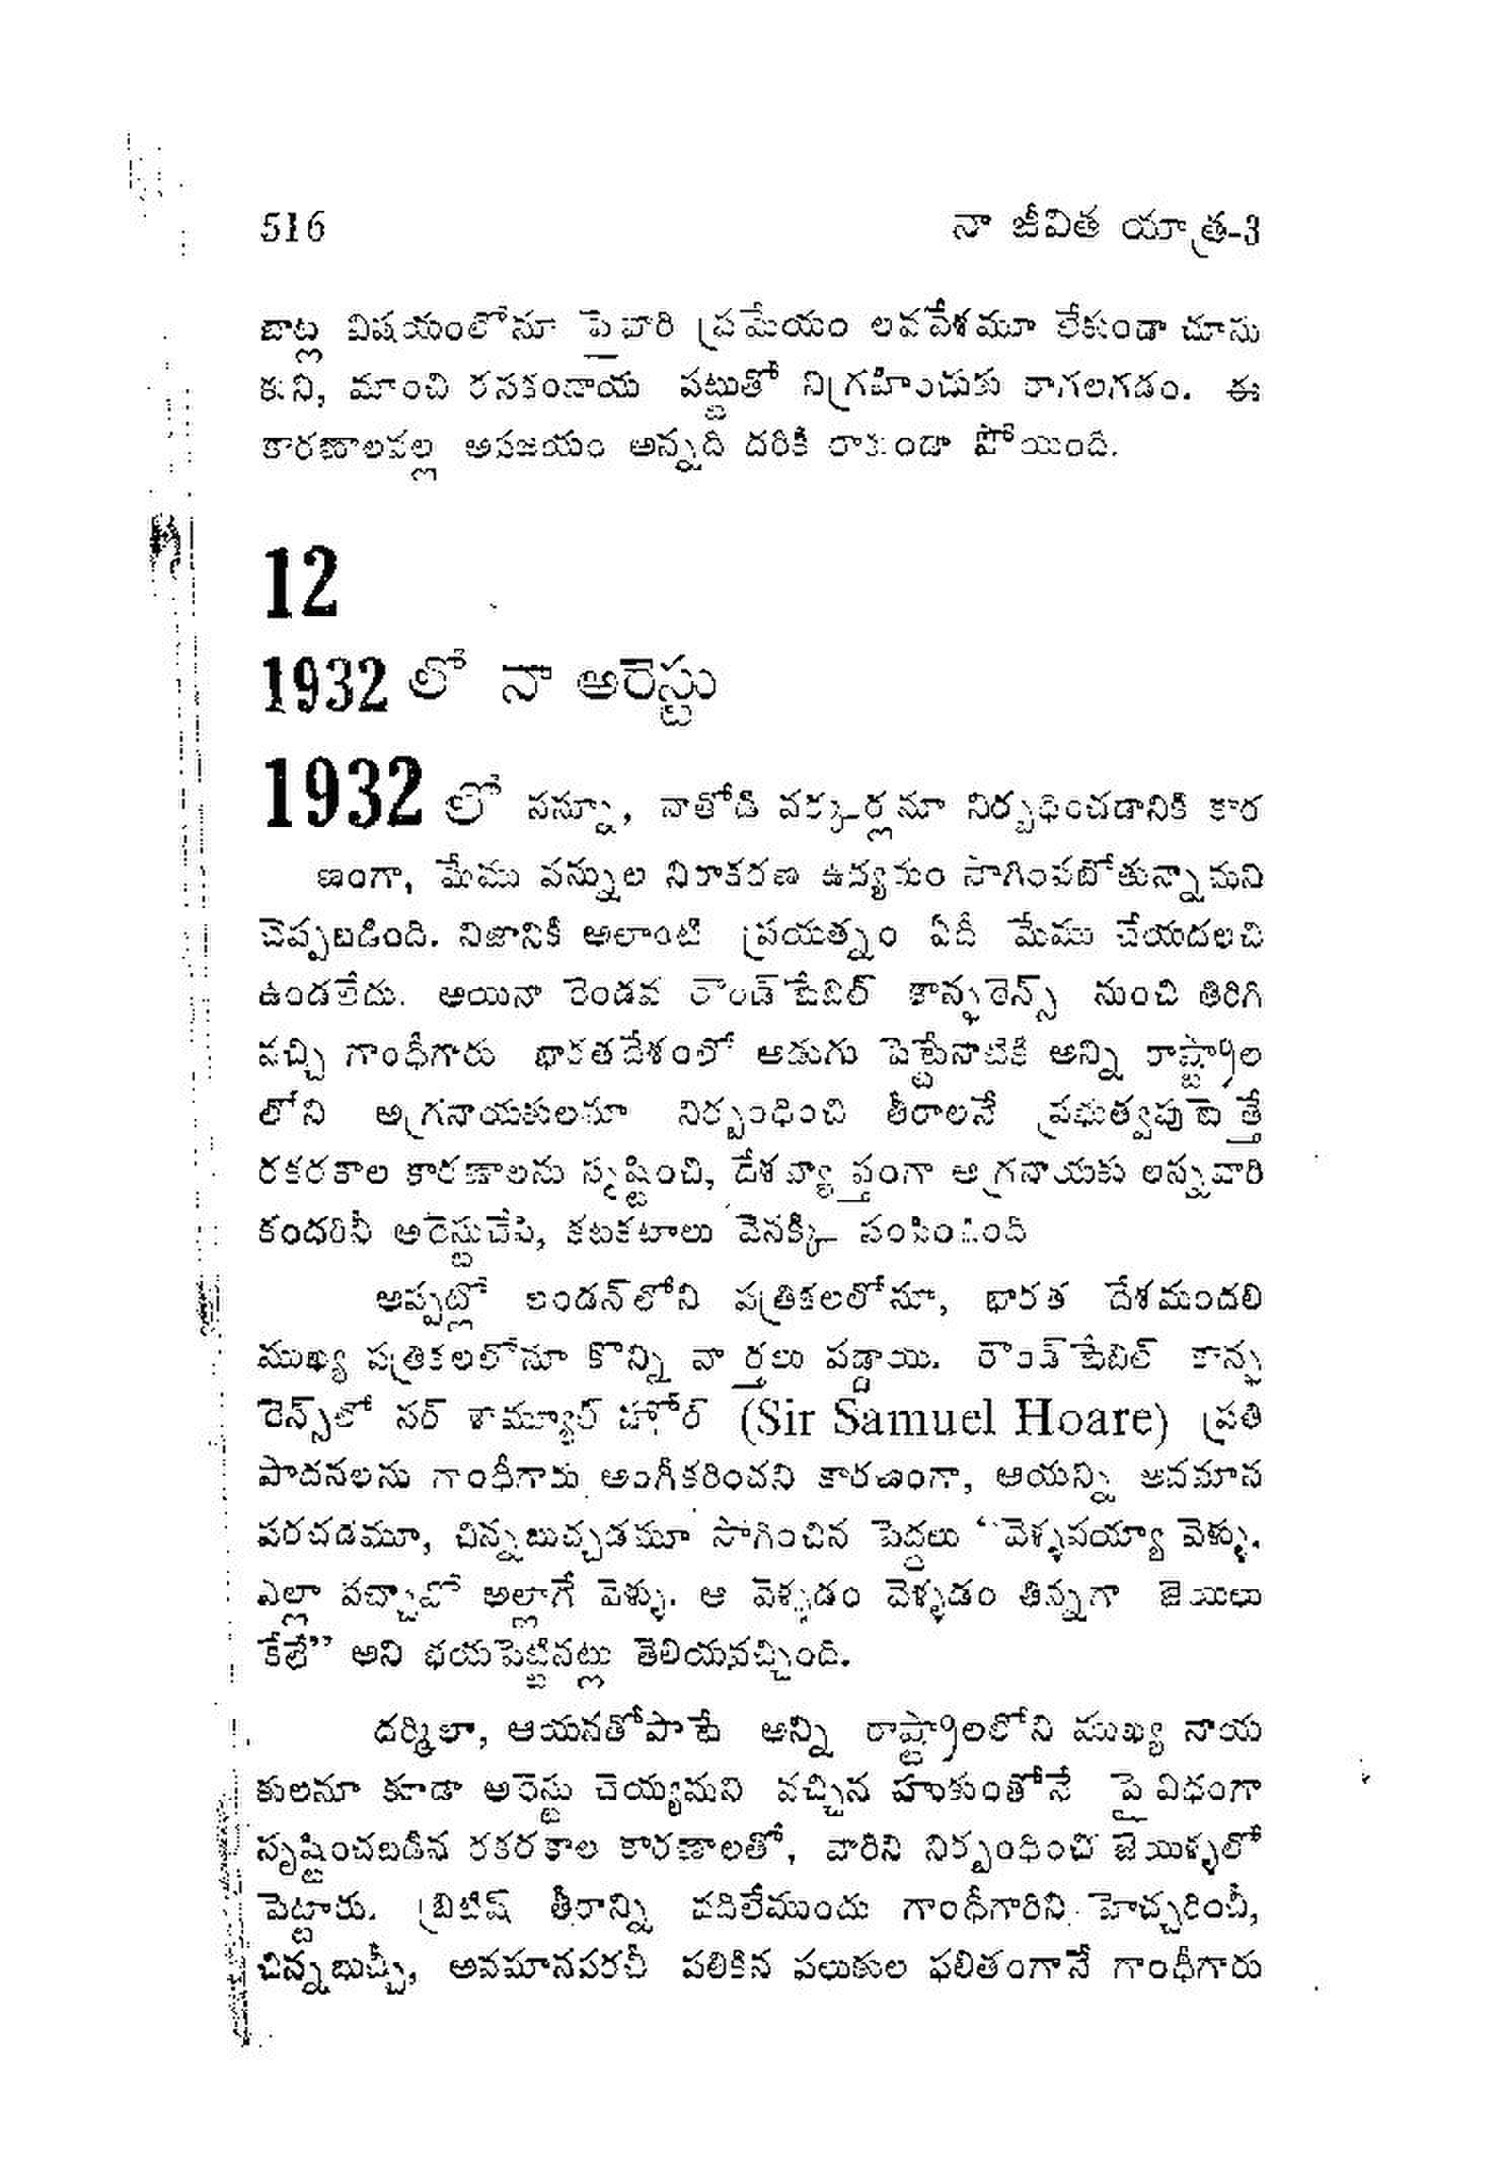బాట్ల విషయంలోను పైవారి ప్రమేయం లవవేశమూ లేకుండా చూసుకుని, మాంచి రసకందాయ పట్టుతో నిగ్రహించుకు రాగలగడం. ఈ కారణాలవల్ల అపజయం అన్నది దరికి రాకుండా పోయింది.

1932లో నన్నూ, నాతోడి వర్కర్లనూ నిర్భధించడానికి కారణంగా, మేము పన్నుల నిరాకరణ ఉద్యమం సాగింపబోతున్నామని చెప్పబడింది. నిజానికి అలాంటి ప్రయత్నం ఏదీ మేము చేయదలచి ఉండలేదు. అయినా రెండవ రౌండ్ టేబిల్ కాన్ఫరెన్స్ నుంచి తిరిగి వచ్చి గాంధీగారు భారతదేశంలో అడుగు పెట్టేనాటికి అన్ని రాష్ట్రాలలోని అగ్రనాయకులనూ నిర్భంధించి తీరాలనే ప్రభుత్వపుటెత్తే రకరకాల కారణాలను సృష్టించి, దేశవ్యాప్తంగా అగ్రనాయకు లన్నవారి కందరినీ అరెస్టుచేసి, కటకటాలు వెనక్కి పంపించింది.

అప్పట్లో లండన్‌లోని పత్రికలలోనూ, భారత దేశమందలి ముఖ్య పత్రికలలోనూ కొన్ని వార్తలు పడ్డాయి. రౌండ్‌టేబిల్ కాన్ఫరెన్స్‌లో సర్ శామ్యూల్ హోర్ (Sir Samuel Hoare) ప్రతిపాదనలను గాంధీగారు అంగీకరించని కారణంగా, ఆయన్ని అవమాన పరచడమూ, చిన్న బుచ్చడమూ సాగించిన పెద్దలు 'వెళ్ళవయ్యా వెళ్ళు, ఎల్లా వచ్చావో అల్లాగే వెళ్ళు, ఆ వెళ్ళడం వెళ్ళడం తిన్నగా జెయిలుకేలే" అని భయపెట్టినట్లు తెలియవచ్చింది.

దర్మిలా, ఆయనతోపాటే అన్ని రాష్ట్రాలలోని ముఖ్య నాయకులనూ కూడా అరెస్టు చెయ్యమని వచ్చిన హుకుంతోనే పైవిధంగా సృష్టించబడిన రకరకాల కారణాలతో, వారిని నిర్భంధించి జెయిళ్ళలో పెట్టారు. బ్రిటిష్ తీరాన్ని వదిలేముందు గాంధీగారిని హెచ్చరించీ, చిన్నబుచ్చీ, అవమానపరచీ పలికిన పలుకుల ఫలితంగానే గాంధీగారు